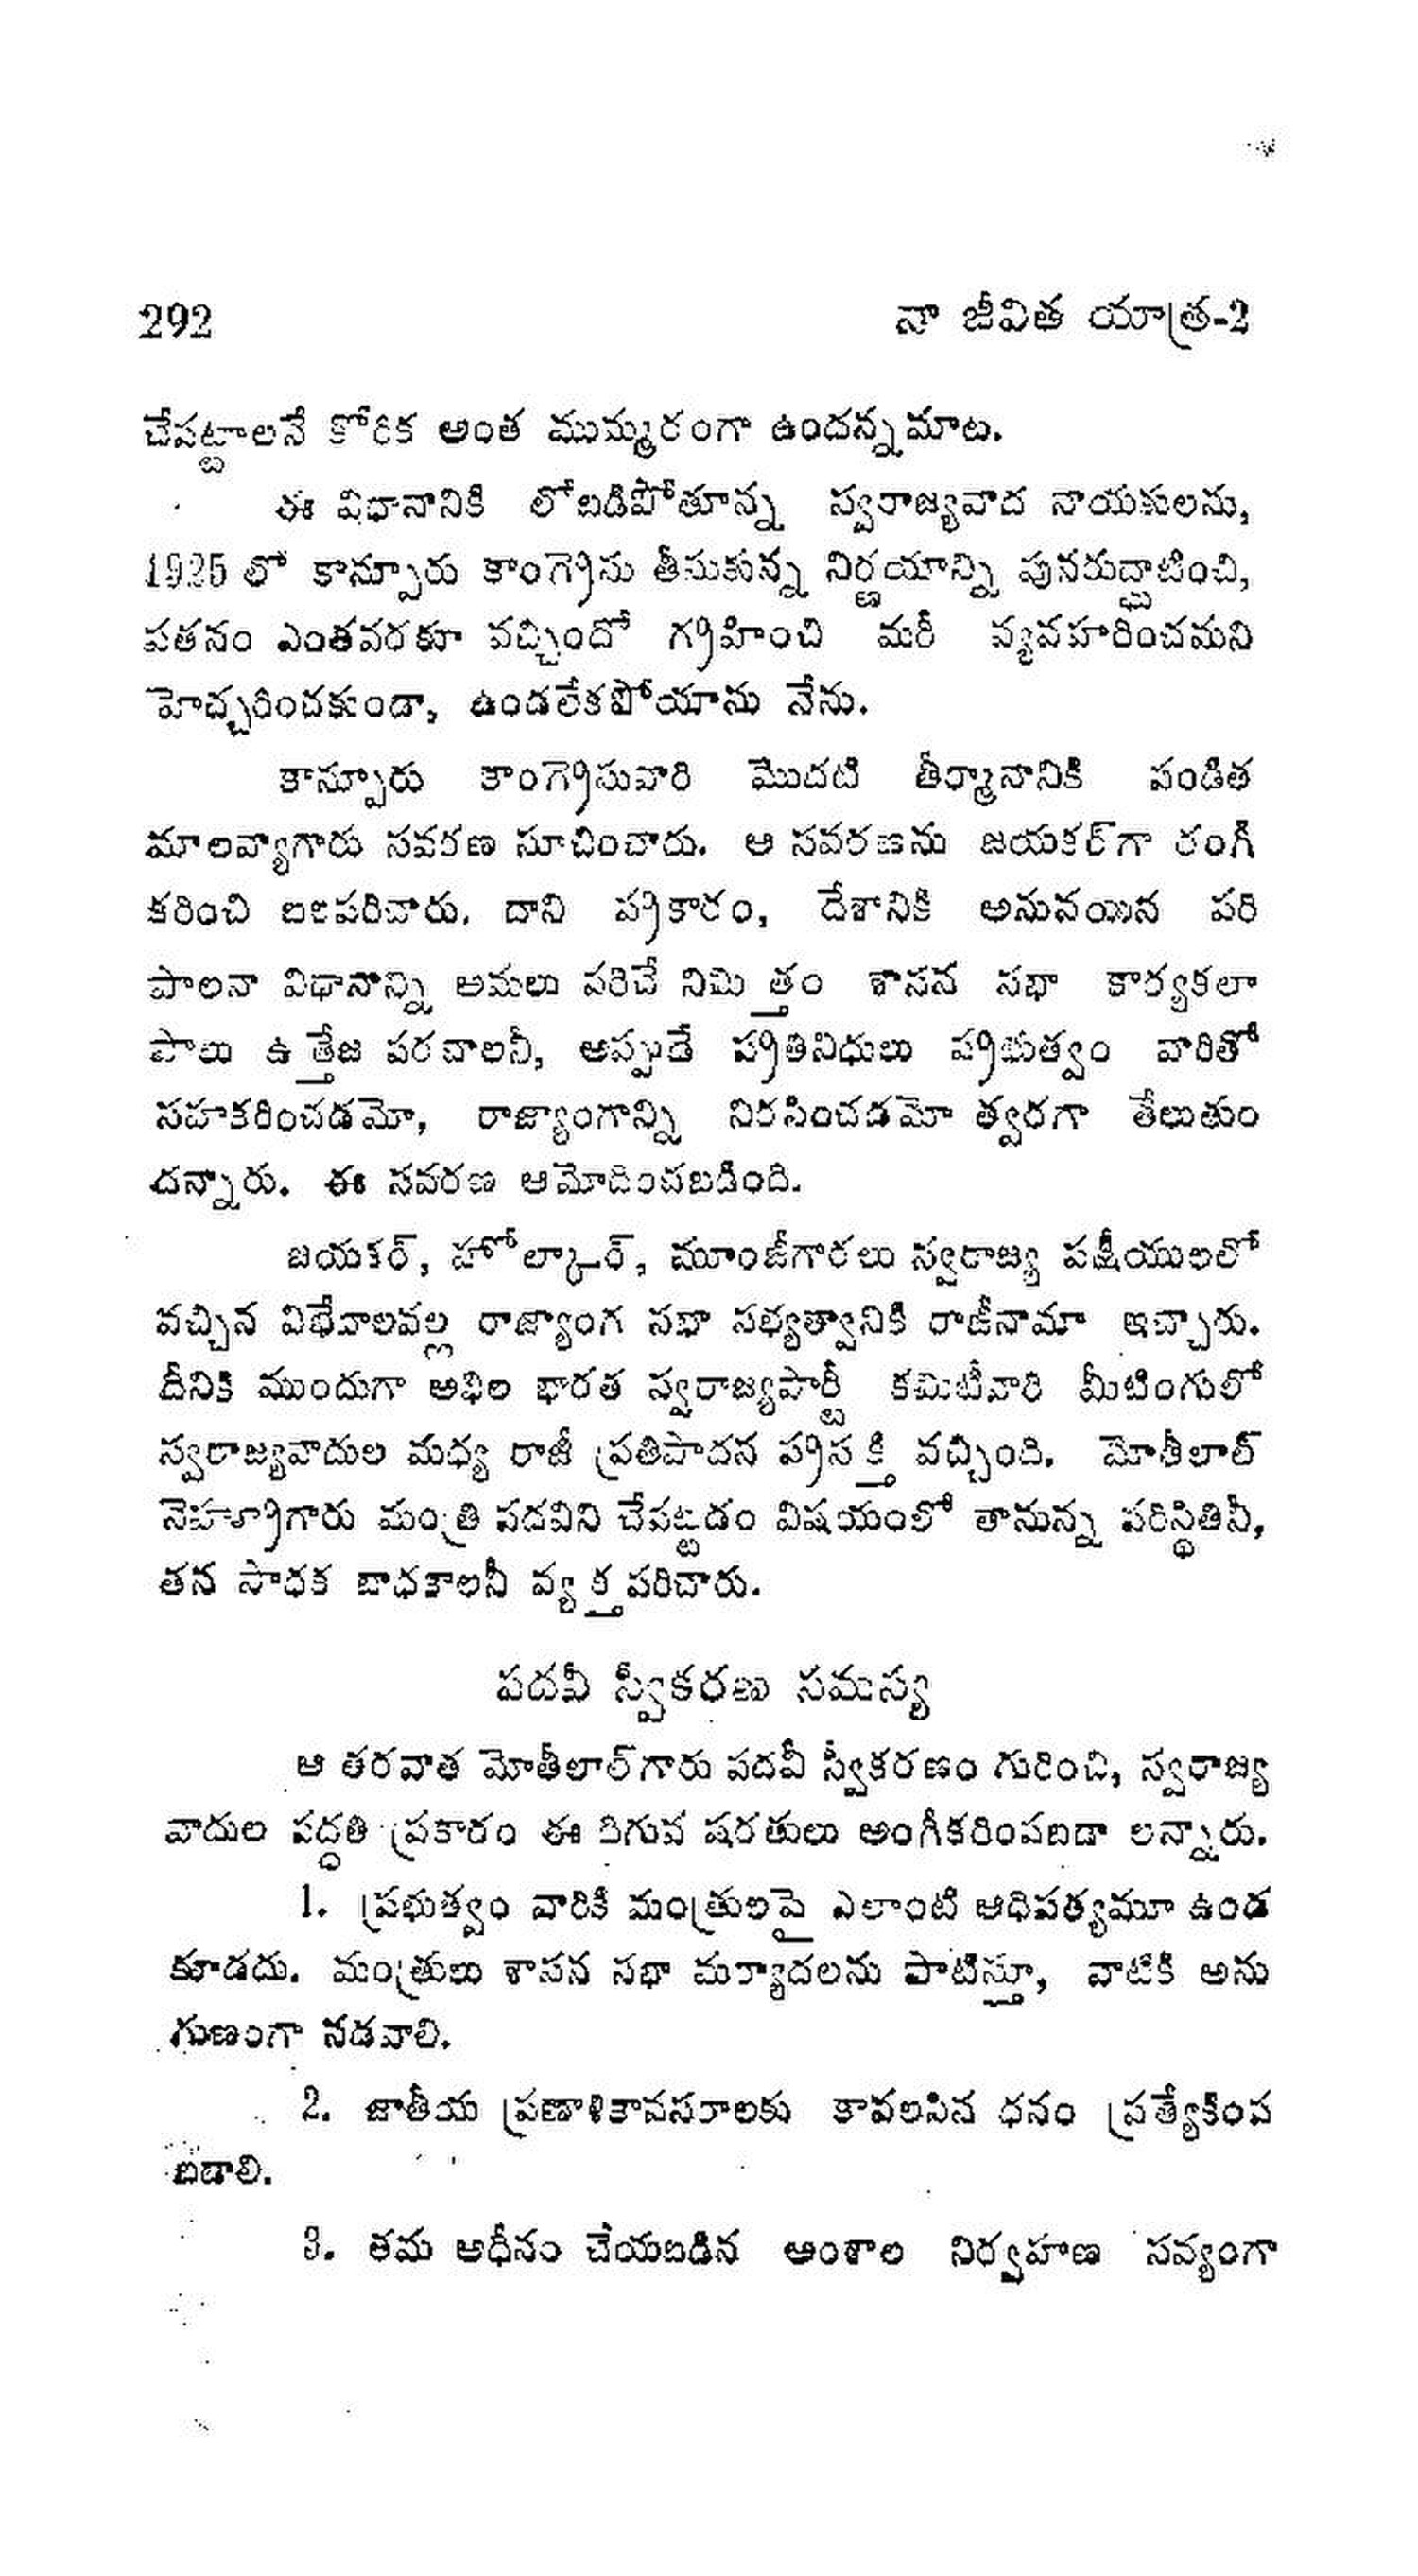చేపట్టాలనే కోరిక అంత ముమ్మరంగా ఉందన్నమాట.

ఈ విధానానికి లోబడిపోతూన్న స్వరాజ్యవాద నాయకులను, 1925 లో కాన్పూరు కాంగ్రెసు తీసుకున్న నిర్ణయాన్ని పునరుద్ఘాటించి, పతనం ఎంతవరకూ వచ్చిందో గ్రహించి మరీ వ్యవహరించమని హెచ్చరించకుండా, ఉండలేకపోయాను నేను.

కాన్పూరు కాంగ్రెసువారి మొదటి తీర్మానానికి పండిత మాలవ్యాగారు సవరణ సూచించారు. అ సవరణను జయకర్‌గా రంగీకరించి బలపరిచారు. దాని ప్రకారం, దేశానికి అనువయిన పరిపాలనా విధానాన్ని అమలు పరిచే నిమిత్తం శాసన సభా కార్యకలాపాలు ఉత్తేజ పరచాలనీ, అప్పుడే ప్రతినిధులు ప్రభుత్వం వారితో సహకరించడమో, రాజ్యాంగాన్ని నిరసించడమో త్వరగా తేలుతుందన్నారు. ఈ సవరణ ఆమోదింపబడింది.

జయకర్, హోల్కార్, మూంజీగారలు స్వరాజ్య పక్షీయులలో వచ్చిన విభేదాలవల్ల రాజ్యాంగ సభా సభ్యత్వానికి రాజీనామా ఇచ్చారు. దీనికి ముందుగా అఖిల భాతత స్వరాజ్యపార్టీ కమిటీవారి మీటింగులో స్వరాజ్యవాదుల మధ్య రాజీ ప్రతిపాదన ప్రసక్తి వచ్చింది. మోతిలాల్ నెహ్రూగారు మంత్రి పదవిని చేపట్టడం విషయంలో తానున్న పరిస్థితినీ, తన సాధక బాధకాలనీ వ్యక్తపరిచారు.

ఆ తరవాత మోతిలాల్‌గారు పదవీ స్వీకరణం గురించి, స్వరాజ్య వాదుల పద్ధతి ప్రకారం ఈ దిగువ షరతులు అంగీకరింపబడా లన్నారు

1. ప్రభుత్వం వారికి మంత్రులపై ఎలాంటి ఆధిపత్యమూ ఉండ కూడదు. మంత్రులు శాసన సభా మర్యాదలను పాటిస్తూ, వాటికి అనుగుణంగా నడవాలి.

2. జాతీయ ప్రణాలికావసరాలకు కావలసిన ధనం ప్రత్యేకింప బడాలి.

3. తమ ఆధీనం చేయబడిన అంశాల నిర్వహణ సవ్యంగా